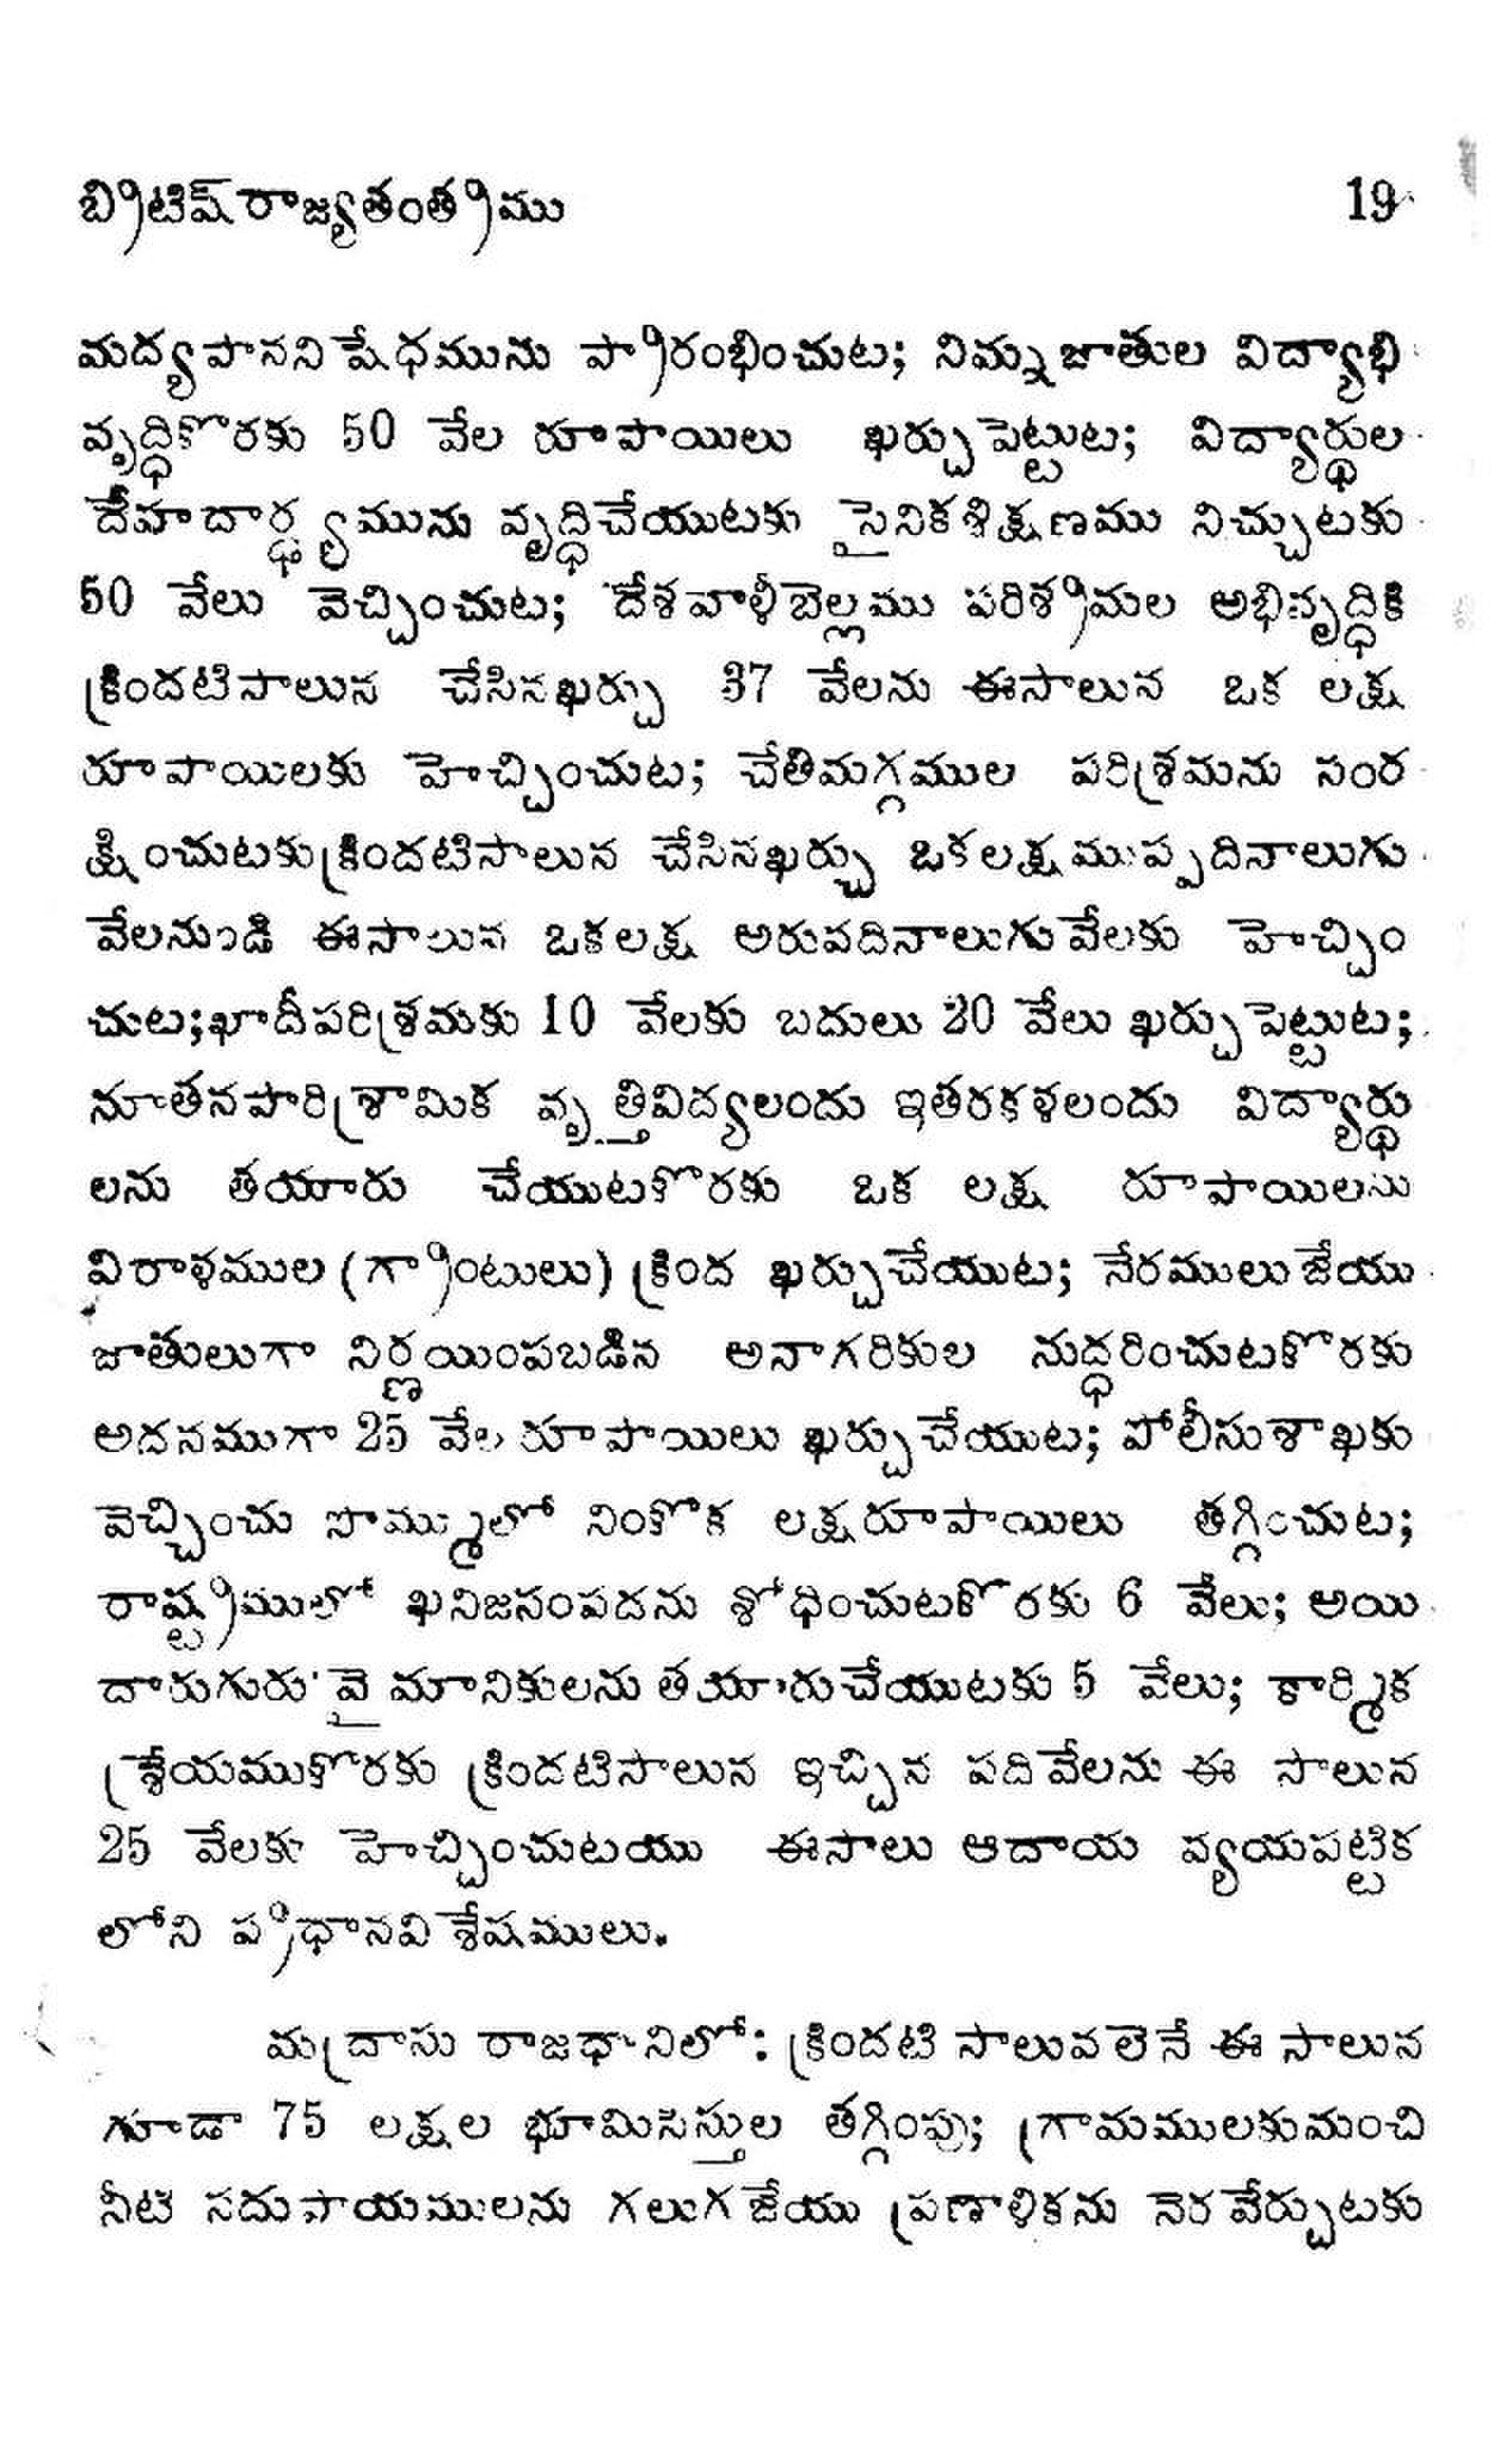మద్యపాననిషేధమును ప్రారంభించుట; నిమ్నజాతుల విద్యాభివృద్ధికొరకు 50 వేల రూపాయిలు ఖర్చుపెట్టుట; విద్యార్థుల దేహదార్డ్యమును వృద్ధిచేయుటకు సైనికశిక్షణము నిచ్చుటకు 50 వేలు వెచ్చించుట; దేశవాళీబెల్లము పరిశ్రమల అభివృద్ధికి క్రిందటిసాలున చేసినఖర్చు 37 వేలను ఈసాలున ఒక లక్ష రూపాయిలకు హెచ్చించుట; చేతిమగ్గముల పరిశ్రమను సంరక్షించుటకు క్రిందటిసాలున చేసిసఖర్చు ఒక లక్ష ముప్పదినాలుగువేలనుండి ఈసాలున ఒకలక్ష అరువదినాలుగువేలకు హెచ్చించుట; ఖాదీపరిశ్రమకు 10 వేలకు బదులు 20 వేలు ఖర్చుపెట్టుట; నూతన పారిశ్రామిక వృత్తివిద్యలందు ఇతరకళలందు విద్యార్దులను తయారు చేయుటకొరకు ఒక లక్ష రూపాయిలను విరాళముల (గ్రాంటులు) క్రింద ఖర్చుచేయుట; నేరములుజేయు జాతులుగా నిర్ణయింపబడిన అనాగరికుల నుద్దరించుటకొరకు అదనముగా 25 వేల రూపాయిలు ఖర్చుచేయుట; పోలీసుశాఖకు వెచ్చించు సొమ్ములో నింకొక లక్ష రూపాయిలు తగ్గించుట; రాష్ట్రములో ఖనిజసంపదను శోధించుటకొరకు 6 వేలు; అయిదారుగురు వైమానికులను తయారుచేయుటకు 5 వేలు; కార్మిక శ్రేయముకొరకు క్రిందటిసాలున ఇచ్చిన పదివేలను ఈ సాలున 25 వేలకు హెచ్చించుటయు ఈసాలు ఆదాయ వ్యయపట్టికలోని ప్రధానవిశేషములు.

మద్రాసు రాజధానిలో: క్రిందటి సాలువలెనే ఈ సాలున గూడా 75 లక్షల భూమిసిస్తుల తగ్గింపు; గ్రామములకుమంచి నీటి సదుపాయములను గలుగజేయు ప్రణాళికను నెరవేర్చుటకు